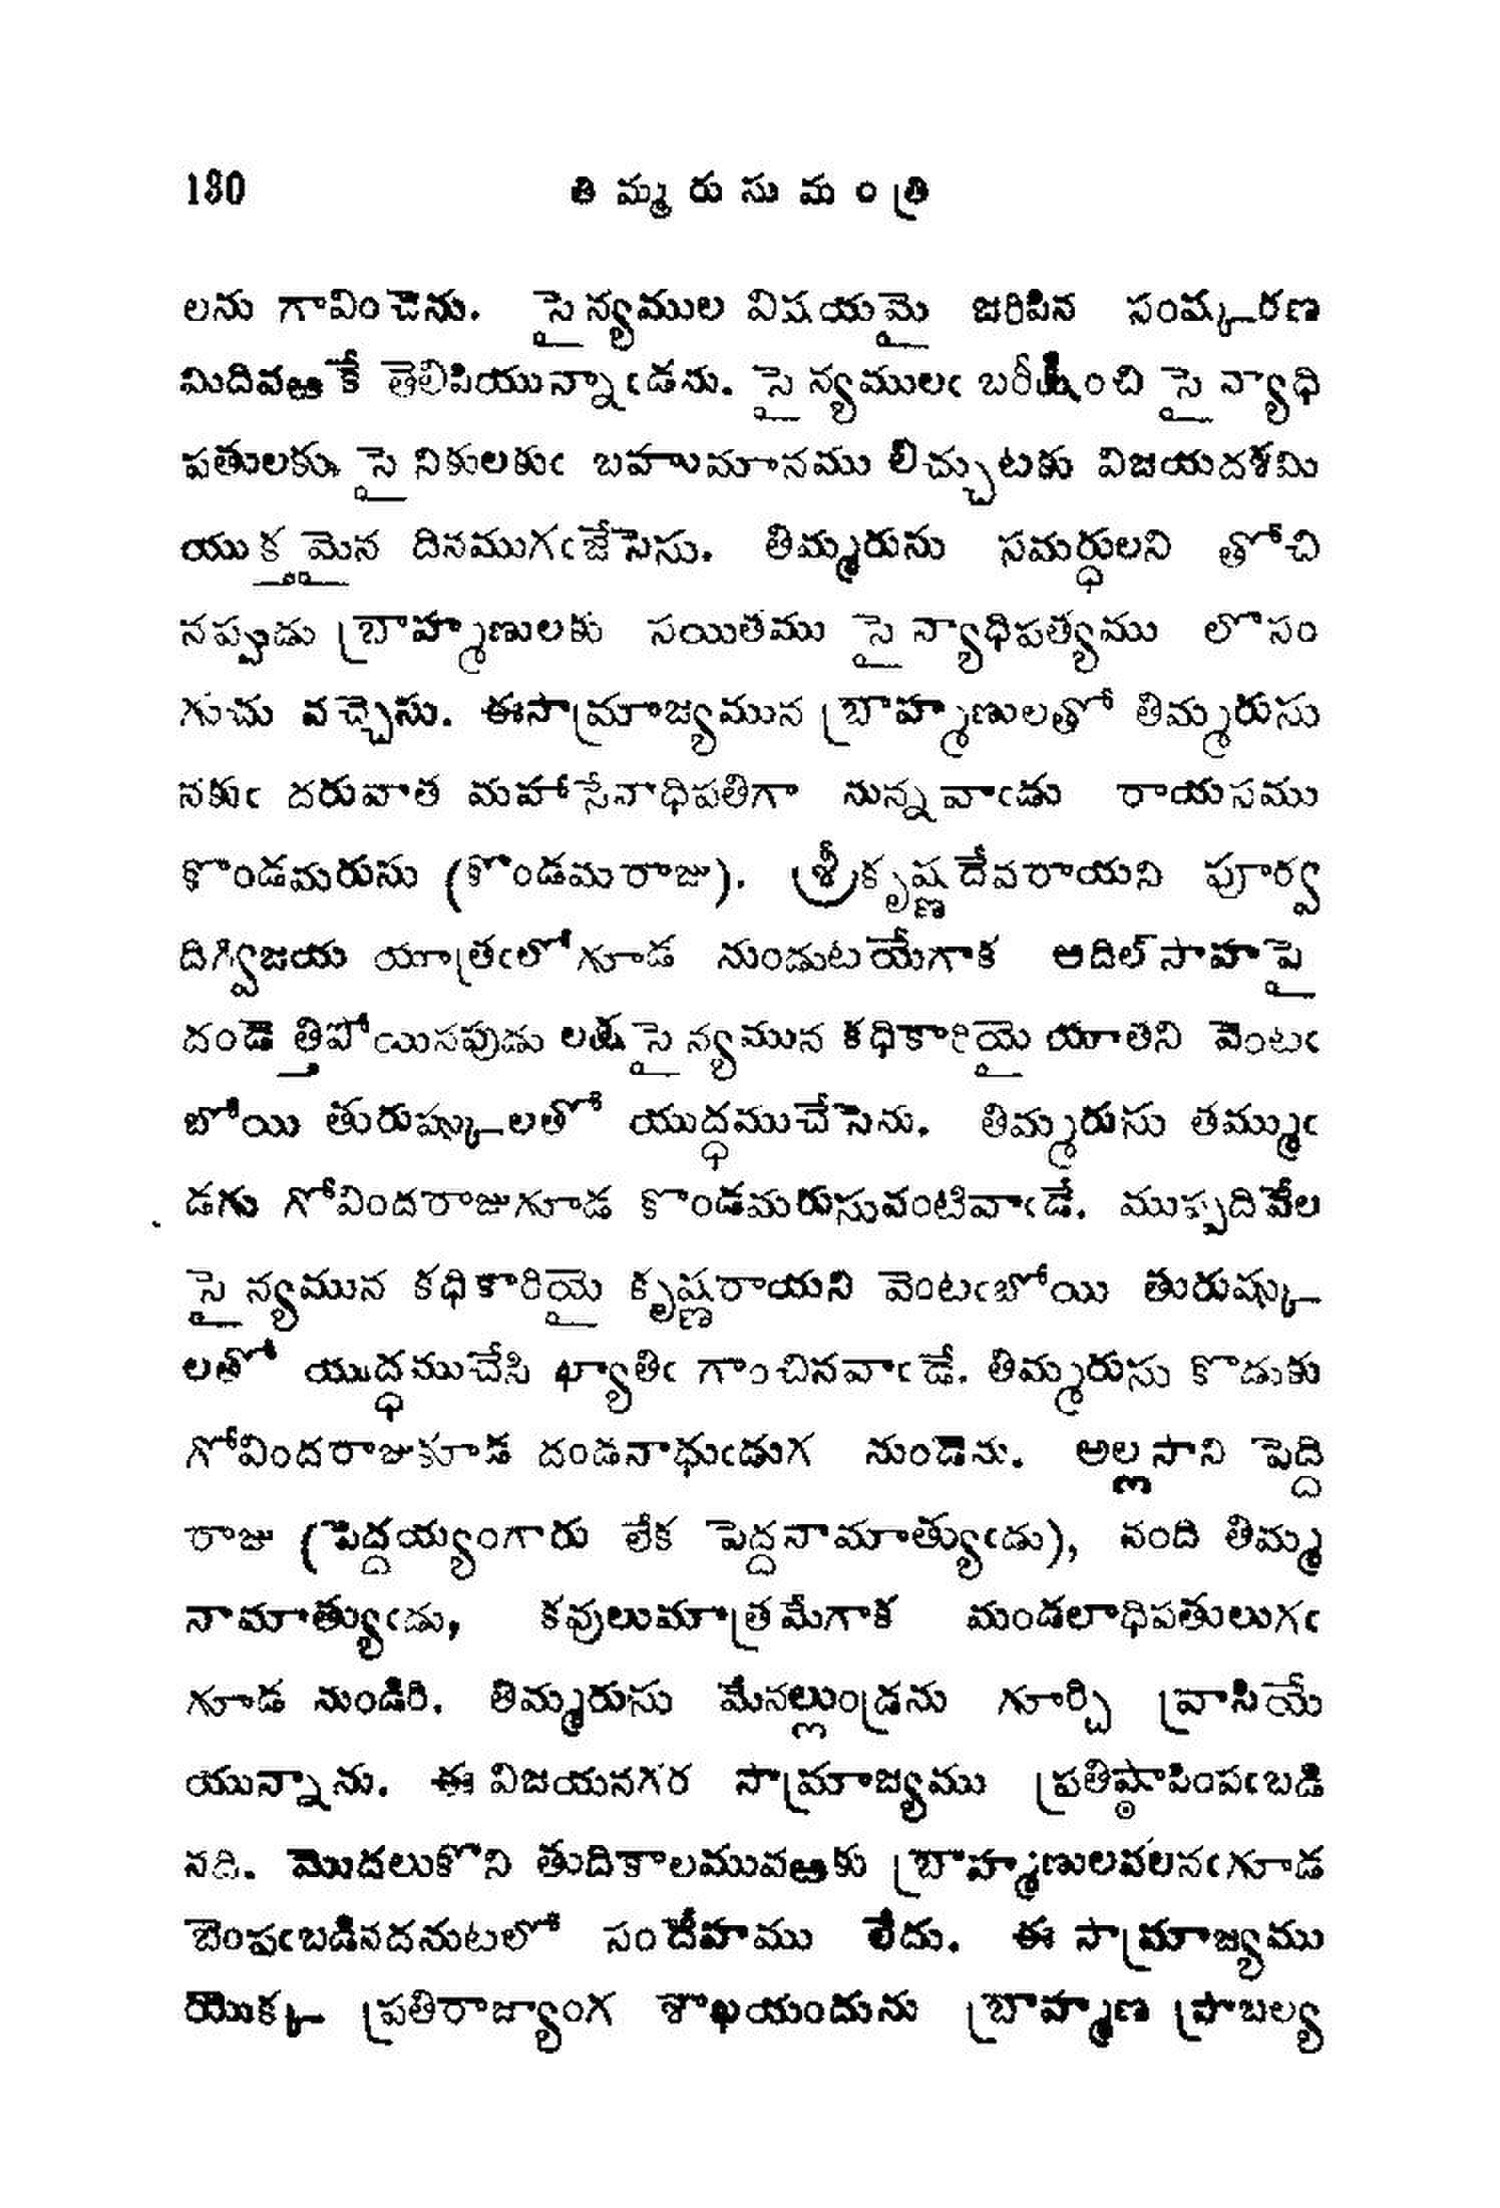లను గావించెను. సైన్యముల విషయమై జరిపిన సంస్కరణ మిదివఱకే తెలిపియున్నాఁడను. సైన్యములఁ బరీక్షించి సైన్యాధిపతులకు సైనికులకుఁ బహుమానము లిచ్చుటకు విజయదశమి యుక్తమైన దినముగఁజేసెను. తిమ్మరుసు సమర్ధులని తోచినప్పుడు బ్రాహ్మణులకు సయితము సైన్యాధిపత్యము లొసంగుచు వచ్చెసు. ఈసామ్రాజ్యమున బ్రాహ్మణులతో తిమ్మరుసునకుఁ దరువాత మహాసేనాధిపతిగా నున్నవాఁడు రాయసము కొండమరుసు (కొండమరాజు). శ్రీకృష్ణదేవరాయని పూర్వదిగ్విజయ యాత్రఁలోగూడ నుండుటయేగాక అదిల్‌సాహపై దండెత్తిపోయినపుడు లక్షసైన్యమున కధికారియై యాతని వెంటఁ బోయి తురుష్కులతో యుద్ధముచేసెను. తిమ్మరుసు తమ్ముఁడగు గోవిందరాజుగూడ కొండమరుసువంటివాఁడే. ముప్పదివేల సైన్యమున కధికారియై కృష్ణరాయని వెంటఁబోయి తురుష్కులతో యుద్ధముచేసి ఖ్యాతిఁ గాంచినవాఁడే. తిమ్మరుసు కొడుకు గోవిందరాజుకూడ దండనాధుఁడుగ నుండెను. అల్లసాని పెద్దిరాజు (పెద్దయ్యంగారు లేక పెద్దనామాత్యుఁడు), నంది తిమ్మనామాత్యుఁడు, కవులుమాత్రమేగాక మండలాధిపతులుగఁ గూడ నుండిరి. తిమ్మరుసు మేనల్లుండ్రను గూర్చి వ్రాసియే యున్నాను. ఈవిజయనగర సామ్రాజ్యము ప్రతిష్ఠాపింపఁబడినది. మొదలుకొని తుదికాలమువఱకు బ్రాహ్మణులవలనఁగూడ బెంపఁబడినదనుటలో సందేహము లేదు. ఈ సామ్రాజ్యముయొక్క ప్రతిరాజ్యాంగ శాఖయందును బ్రాహ్మణ ప్రాబల్య